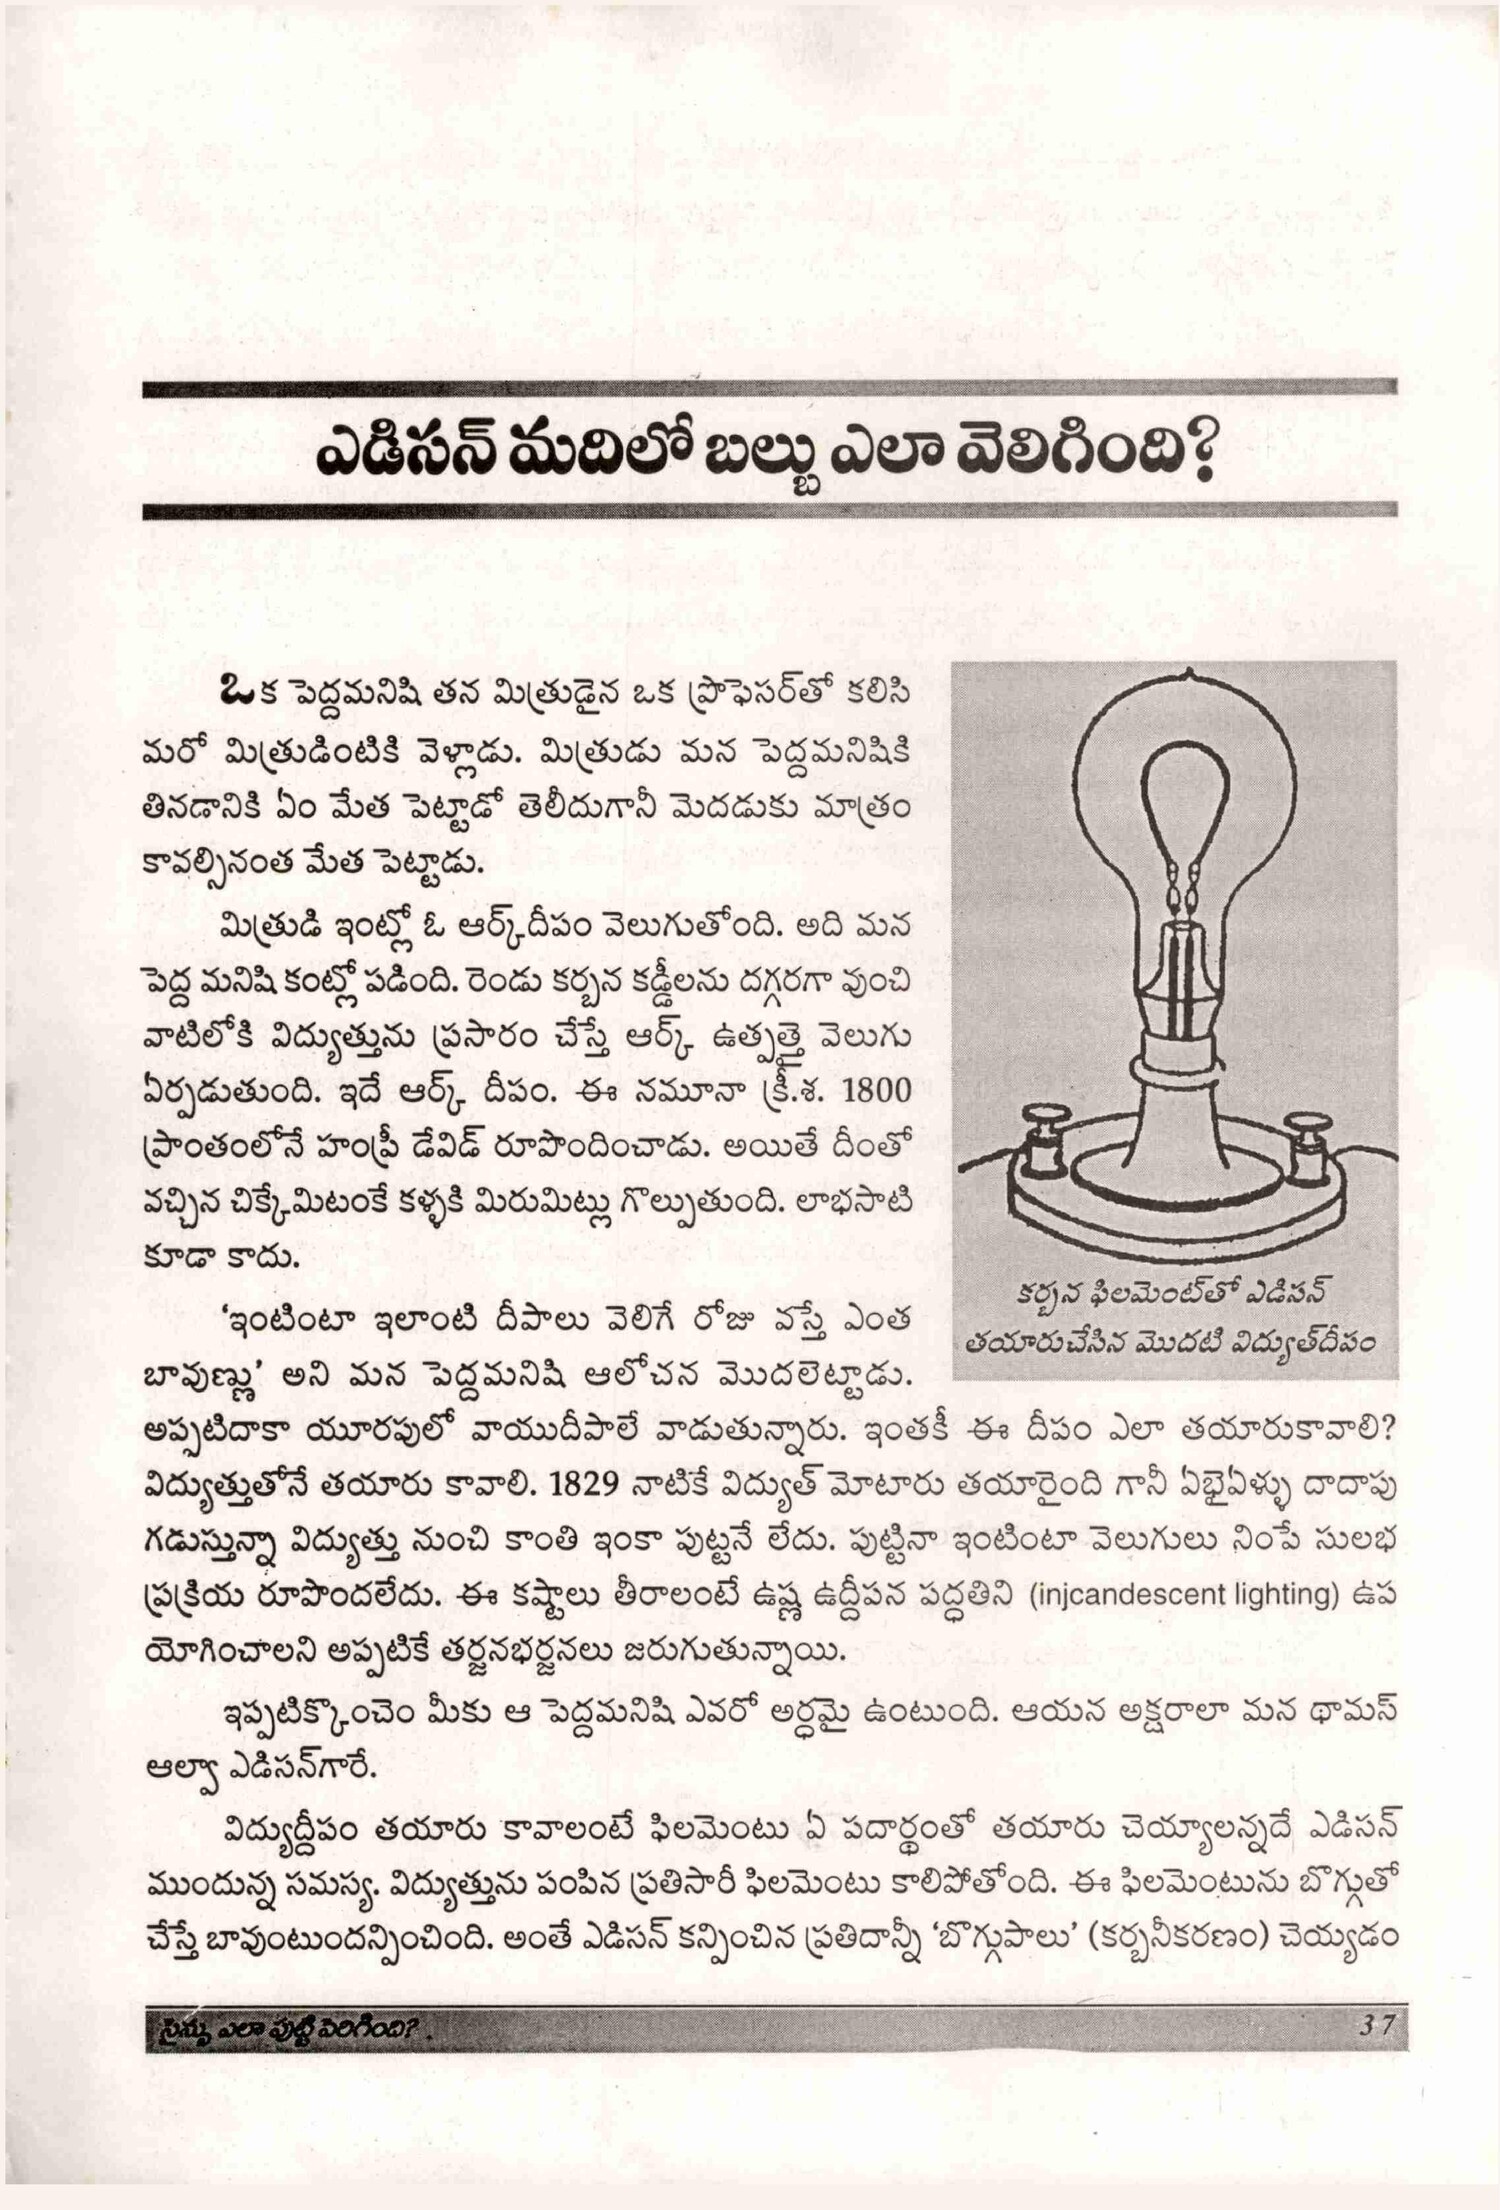ఎడిసన్ మదిలో బల్బు ఎలా వెలిగింది?

ఒక పెద్దమనిషి తన మిత్రుడైన ఒక ప్రొఫెసర్‌తో కలిసి మరో మిత్రుడింటికి వెళ్లాడు. మిత్రుడు మన పెద్దమనిషికి
తినడానికి ఏం మేత పెట్టాడో తెలీదుగానీ మెదడుకు మాత్రం కావల్సినంత మేత పెట్టాడు.

మిత్రుడి ఇంట్లో ఓ ఆర్క్‌దీపం వెలుగుతోంది. అది మన పెద్ద మనిషి కంట్లో పడింది. రెండు కర్బన కడ్డీలను దగ్గరగా వుంచి వాటిలోకి విద్యుత్తును ప్రసారం చేస్తే ఆర్క్ ఉత్పత్తై వెలుగు ఏర్పడుతుంది. ఇదే ఆర్క్ దీపం. ఈ నమూనా క్రీ.శ. 1800 ప్రాంతంలోనే హంప్రీ డేవిడ్ రూపొందించాడు. అయితే దీంతో వచ్చిన చిక్కేమిటంటే కళ్ళకి మిరుమిట్లు గొల్పుతుంది. లాభసాటి కూడా కాదు.

'ఇంటింటా ఇలాంటి దీపాలు వెలిగే రోజు వస్తే ఎంత బావుణ్ణు' అని మన పెద్దమనిషి ఆలోచన మొదలెట్టాడు.
అప్పటిదాకా యూరపులో వాయుదీపాలే వాడుతున్నారు. ఇంతకీ ఈ దీపం ఎలా తయారుకావాలి? విద్యుత్తుతోనే తయారు కావాలి. 1829 నాటికే విద్యుత్ మోటారు తయారైంది గానీ ఏభైఏళ్ళు దాదాపు గడుస్తున్నా విద్యుత్తు నుంచి కాంతి ఇంకా పుట్టనే లేదు. పుట్టినా ఇంటింటా వెలుగులు నింపే సులభ ప్రక్రియ రూపొందలేదు. ఈ కష్టాలు తీరాలంటే ఉష్ణ ఉద్దీపన పద్ధతిని (injcandescent lighting) ఉపయోగించాలని అప్పటికే తర్జనభర్జనలు జరుగుతున్నాయి.

ఇప్పటిక్కొంచెం మీకు ఆ పెద్దమనిషి ఎవరో అర్థమై ఉంటుంది. ఆయన అక్షరాలా మన థామస్ ఆల్వా ఎడిసన్‌గారే.

విద్యుద్దీపం తయారు కావాలంటే ఫిలమెంటు ఏ పదార్థంతో తయారు చెయ్యాలన్నదే ఎడిసన్ ముందున్న సమస్య. విద్యుత్తును పంపిన ప్రతిసారీ ఫిలమెంటు కాలిపోతోంది. ఈ ఫిలమెంటును బొగ్గుతో చేస్తే బావుంటుందన్పించింది. అంతే ఎడిసన్ కన్పించిన ప్రతిదాన్నీ 'బొగ్గుపాలు' (కర్బనీకరణం) చెయ్యడం